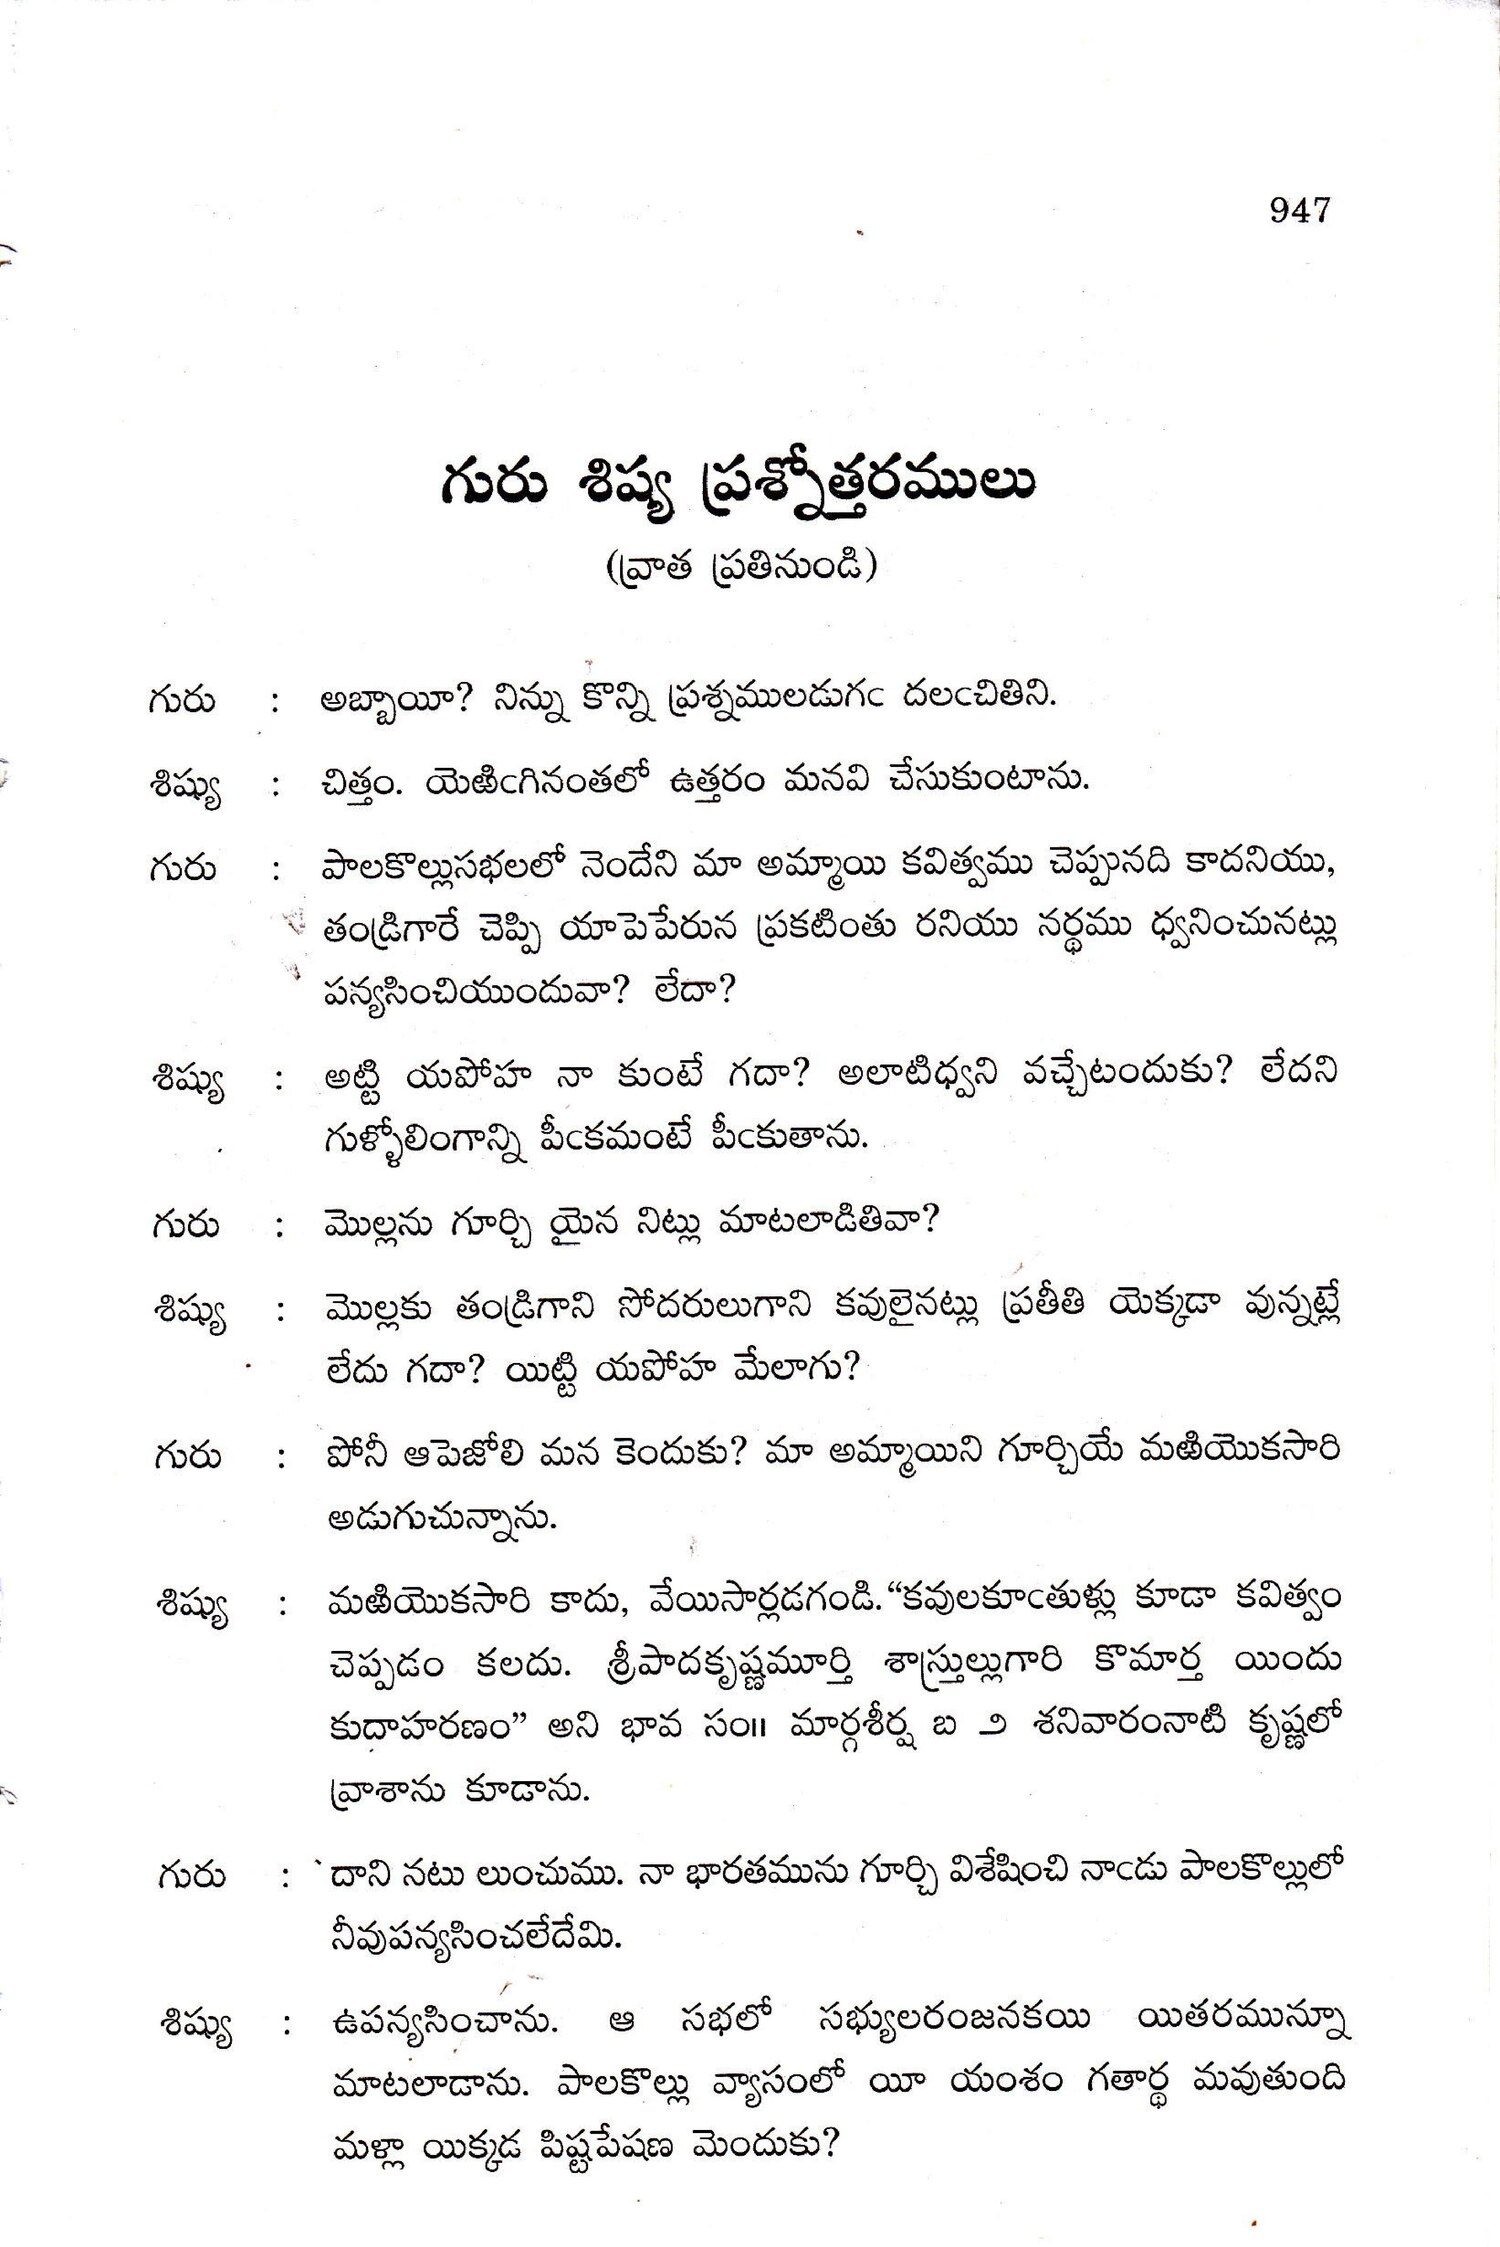గురు శిష్య ప్రశ్నోత్తరములు
(వ్రాత ప్రతినుండి)

గురు : అబ్బాయీ? నిన్ను కొన్ని ప్రశ్నములడుగఁ దలఁచితిని. 

శిష్యు : చిత్తం. యెఱిఁగినంతలో ఉత్తరం మనవి చేసుకుంటాను.

గురు : పాలకొల్లుసభలలో నెందేని మా అమ్మాయి కవిత్వము చెప్పునది కాదనియు, తండ్రిగారే చెప్పి యాపెపేరున ప్రకటింతు రనియు నర్ధము ధ్వనించునట్లు పన్యసించియుందువా? లేదా?

శిష్యు : అట్టి యపోహ నా కుంటే గదా? అలాటిధ్వని వచ్చేటందుకు? లేదని గుళ్ళోలింగాన్ని పీఁకమంటే పీఁకుతాను.

గురు : మొల్లను గూర్చి యైన నిట్లు మాటలాడితివా?

శిష్యు : మొల్లకు తండ్రిగాని సోదరులుగాని కవులైనట్లు ప్రతీతి యెక్కడా వున్నట్లే లేదు గదా? యిట్టి యపోహ మేలాగు?

గురు : పోనీ ఆపెజోలి మన కెందుకు? మా అమ్మాయిని గూర్చియే మఱియొకసారి అడుగుచున్నాను.

శిష్యు : మఱియొకసారి కాదు, వేయిసార్లడగండి.“కవులకూఁతుళ్లు కూడా కవిత్వం చెప్పడం కలదు. శ్రీపాదకృష్ణమూర్తి శాస్త్రుల్లుగారి కొమార్త యిందు కుదాహరణం" అని భావ సం|| మార్గశీర్ష బ 2 శనివారంనాటి కృష్ణలో వ్రాశాను కూడాను.

గురు : దాని నటు లుంచుము. నా భారతమును గూర్చి విశేషించి నాఁడు పాలకొల్లులో నీవుపన్యసించలేదేమి.

శిష్యు : ఉపన్యసించాను. ఆ సభలో సభ్యులరంజనకయి యితరమున్నూ మాటలాడాను. పాలకొల్లు వ్యాసంలో యీ యంశం గతార్ధ మవుతుంది మళ్లా యిక్కడ పిష్టపేషణ మెందుకు?